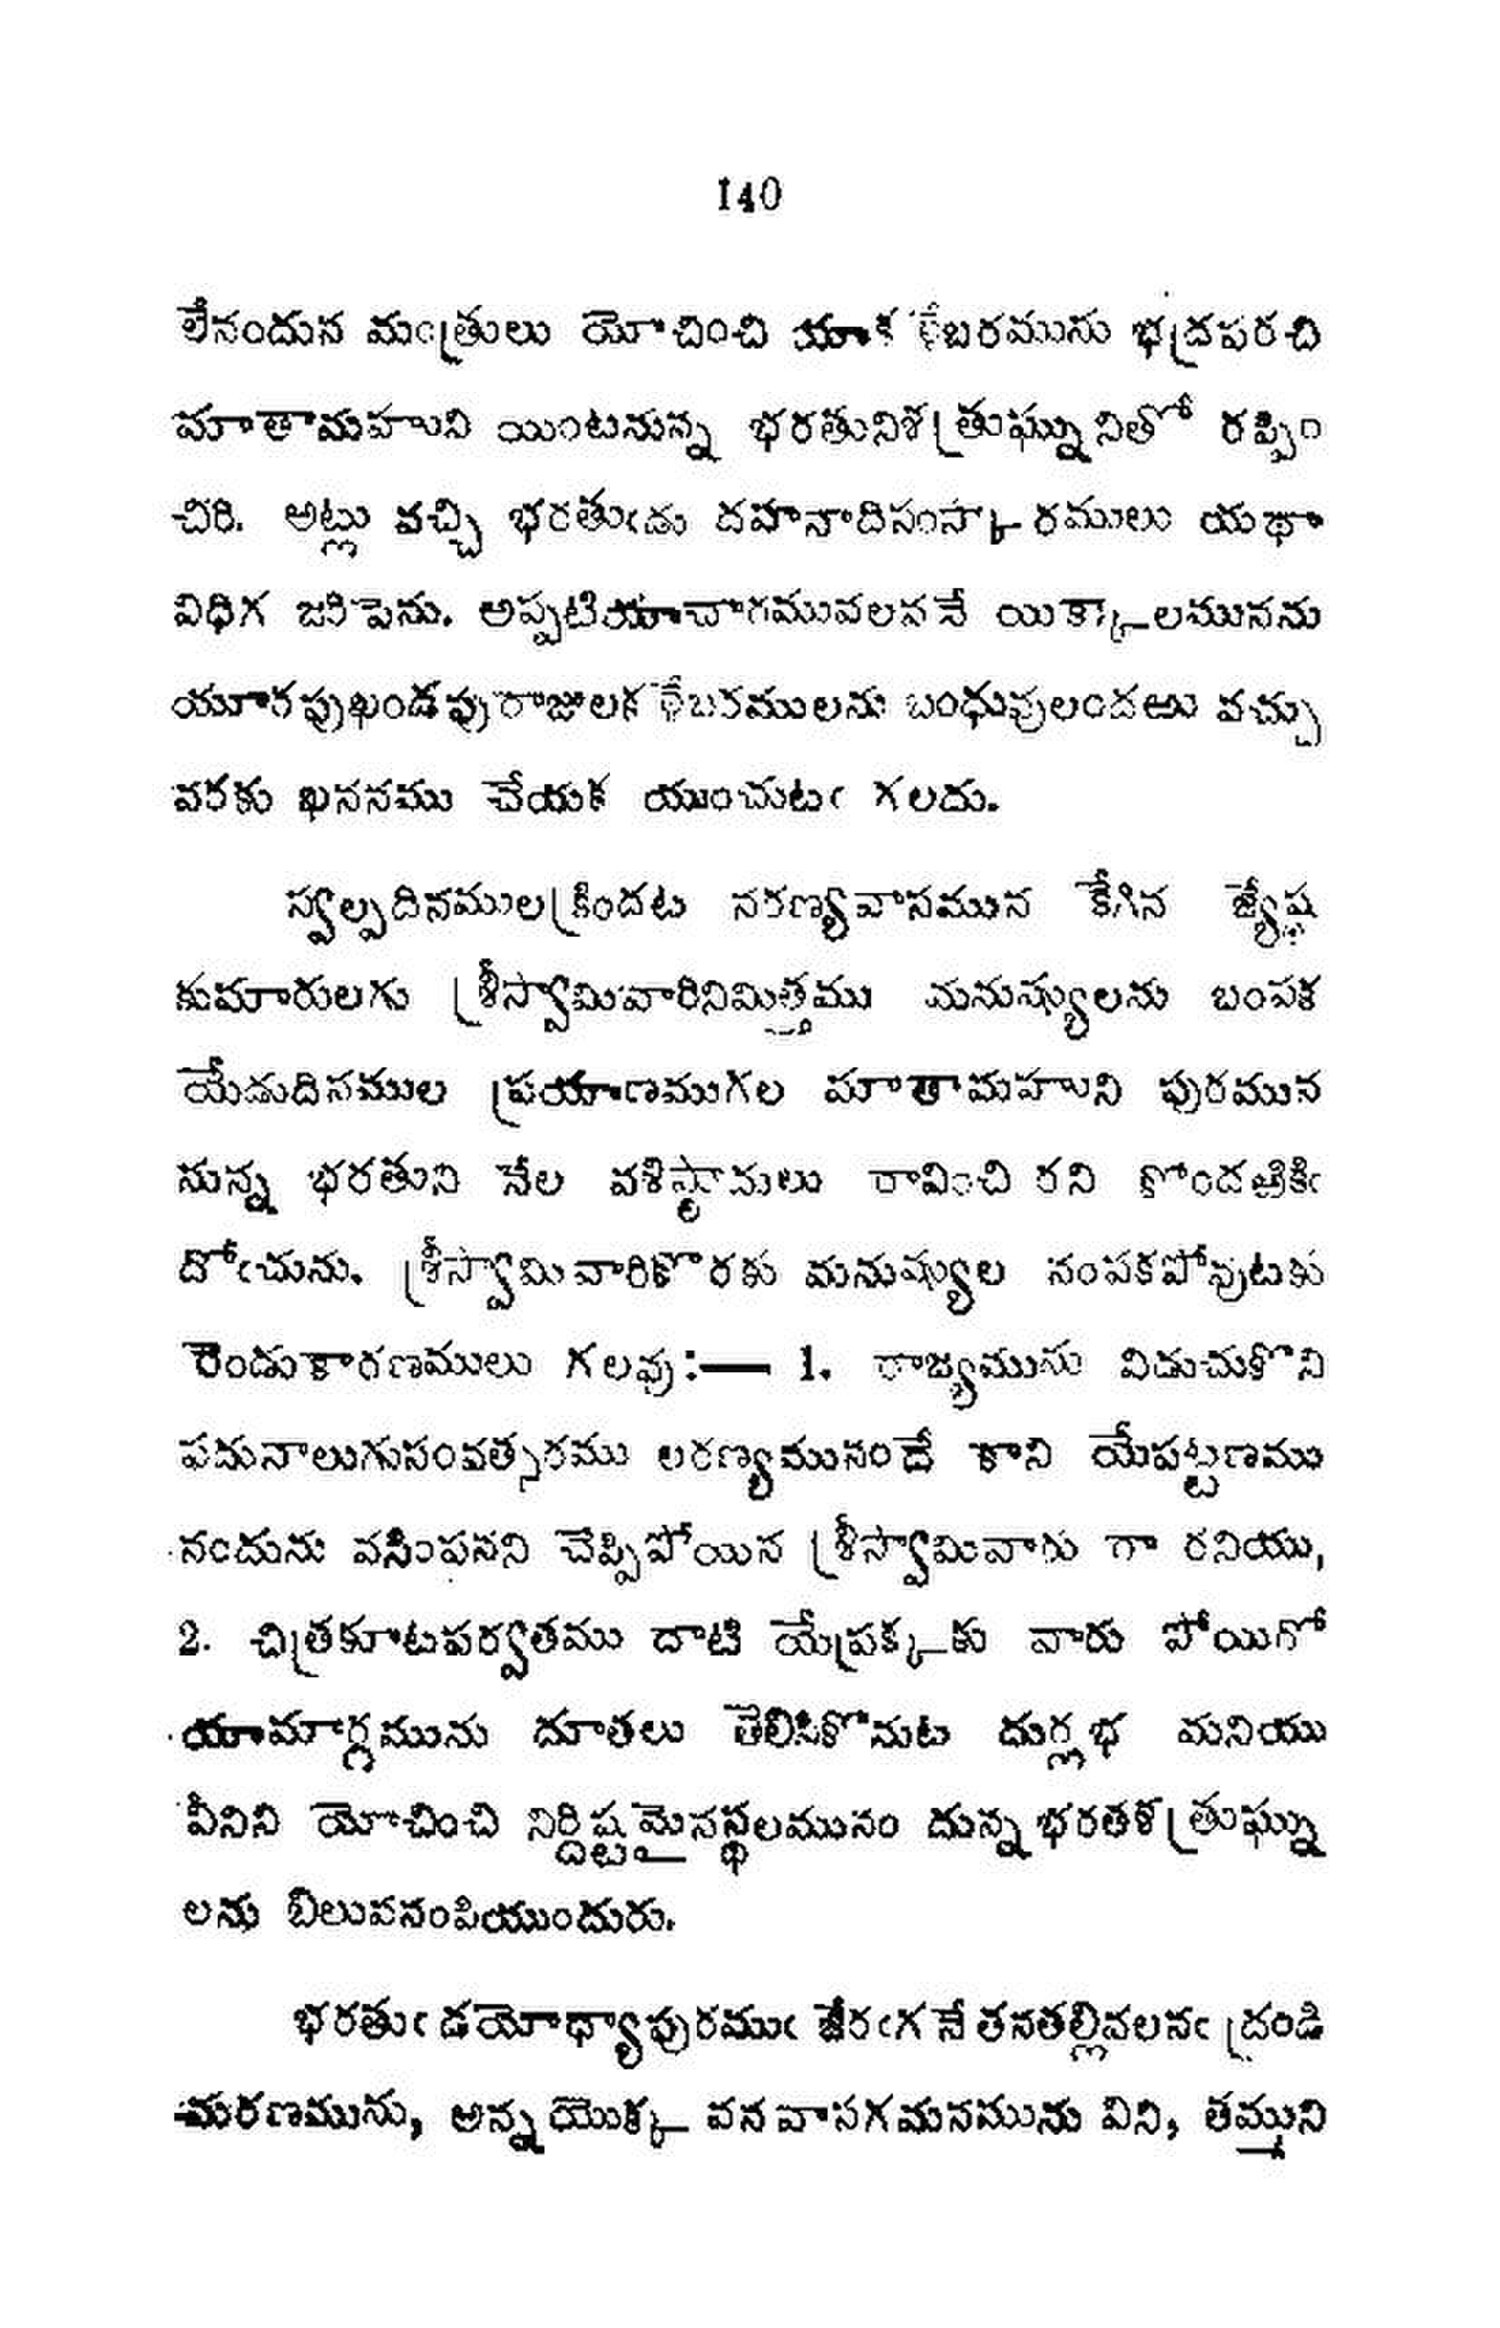లేనందున మంత్రులు యోచించి యాకళేబరమును భద్రపరచి మాతామహుని యింటనున్న భరతునిశత్రుఘ్నునితో రప్పించిరి. అట్లు వచ్చి భరతుఁడు దహనాదిసంస్కారములు యథావిధిగ జరిపెను. అప్పటియాచారమువలననే యిక్కాలమునను యూరపుఖండపు రాజులకళేబరములను బంధువులందఱు వచ్చువరకు ఖననము చేయక యుంచుటఁ గలదు.

స్వల్పదినములక్రిందట నరణ్యవాసమున కేగిన జ్యేష్ఠకుమారులగు శ్రీస్వామివారినిమిత్తము మనుష్యులను బంపక యేడుదినముల ప్రయాణముగల మాతామహుని పురమున నున్న భరతుని నేల వశిష్ఠాదులు రావించి రని కొందఱికిఁ దోఁచును, శ్రీస్వామివారికొరకు మనుష్యుల నంపకపోవుటకు
రెండుకారణములు గలవు :- 1. రాజ్యమును విడుచుకొని పదునాలుగుసంవత్సరము లరణ్యమునందే కాని యేపట్టణము నందును వసింపనని చెప్పిపోయిన శ్రీస్వామివారు రా రనియు, 2. చిత్రకూట పర్వతము దాటి యేప్రక్కకు వారు పోయిరో యామార్గమును దూతలు తెలిసికొనుట దుర్లభ మనియు
వీనిని యోచించి నిర్దిష్టమైనస్థలమునం దున్న భరతశత్రుఘ్నులను బిలువనంపియుందురు.

భరతుఁడయోధ్యాపురముఁ జేరఁగనే తనతల్లివలనఁ ద్రండి మరణమును, అన్నయొక్క వనవాసగమనమును విని, తమ్ముని